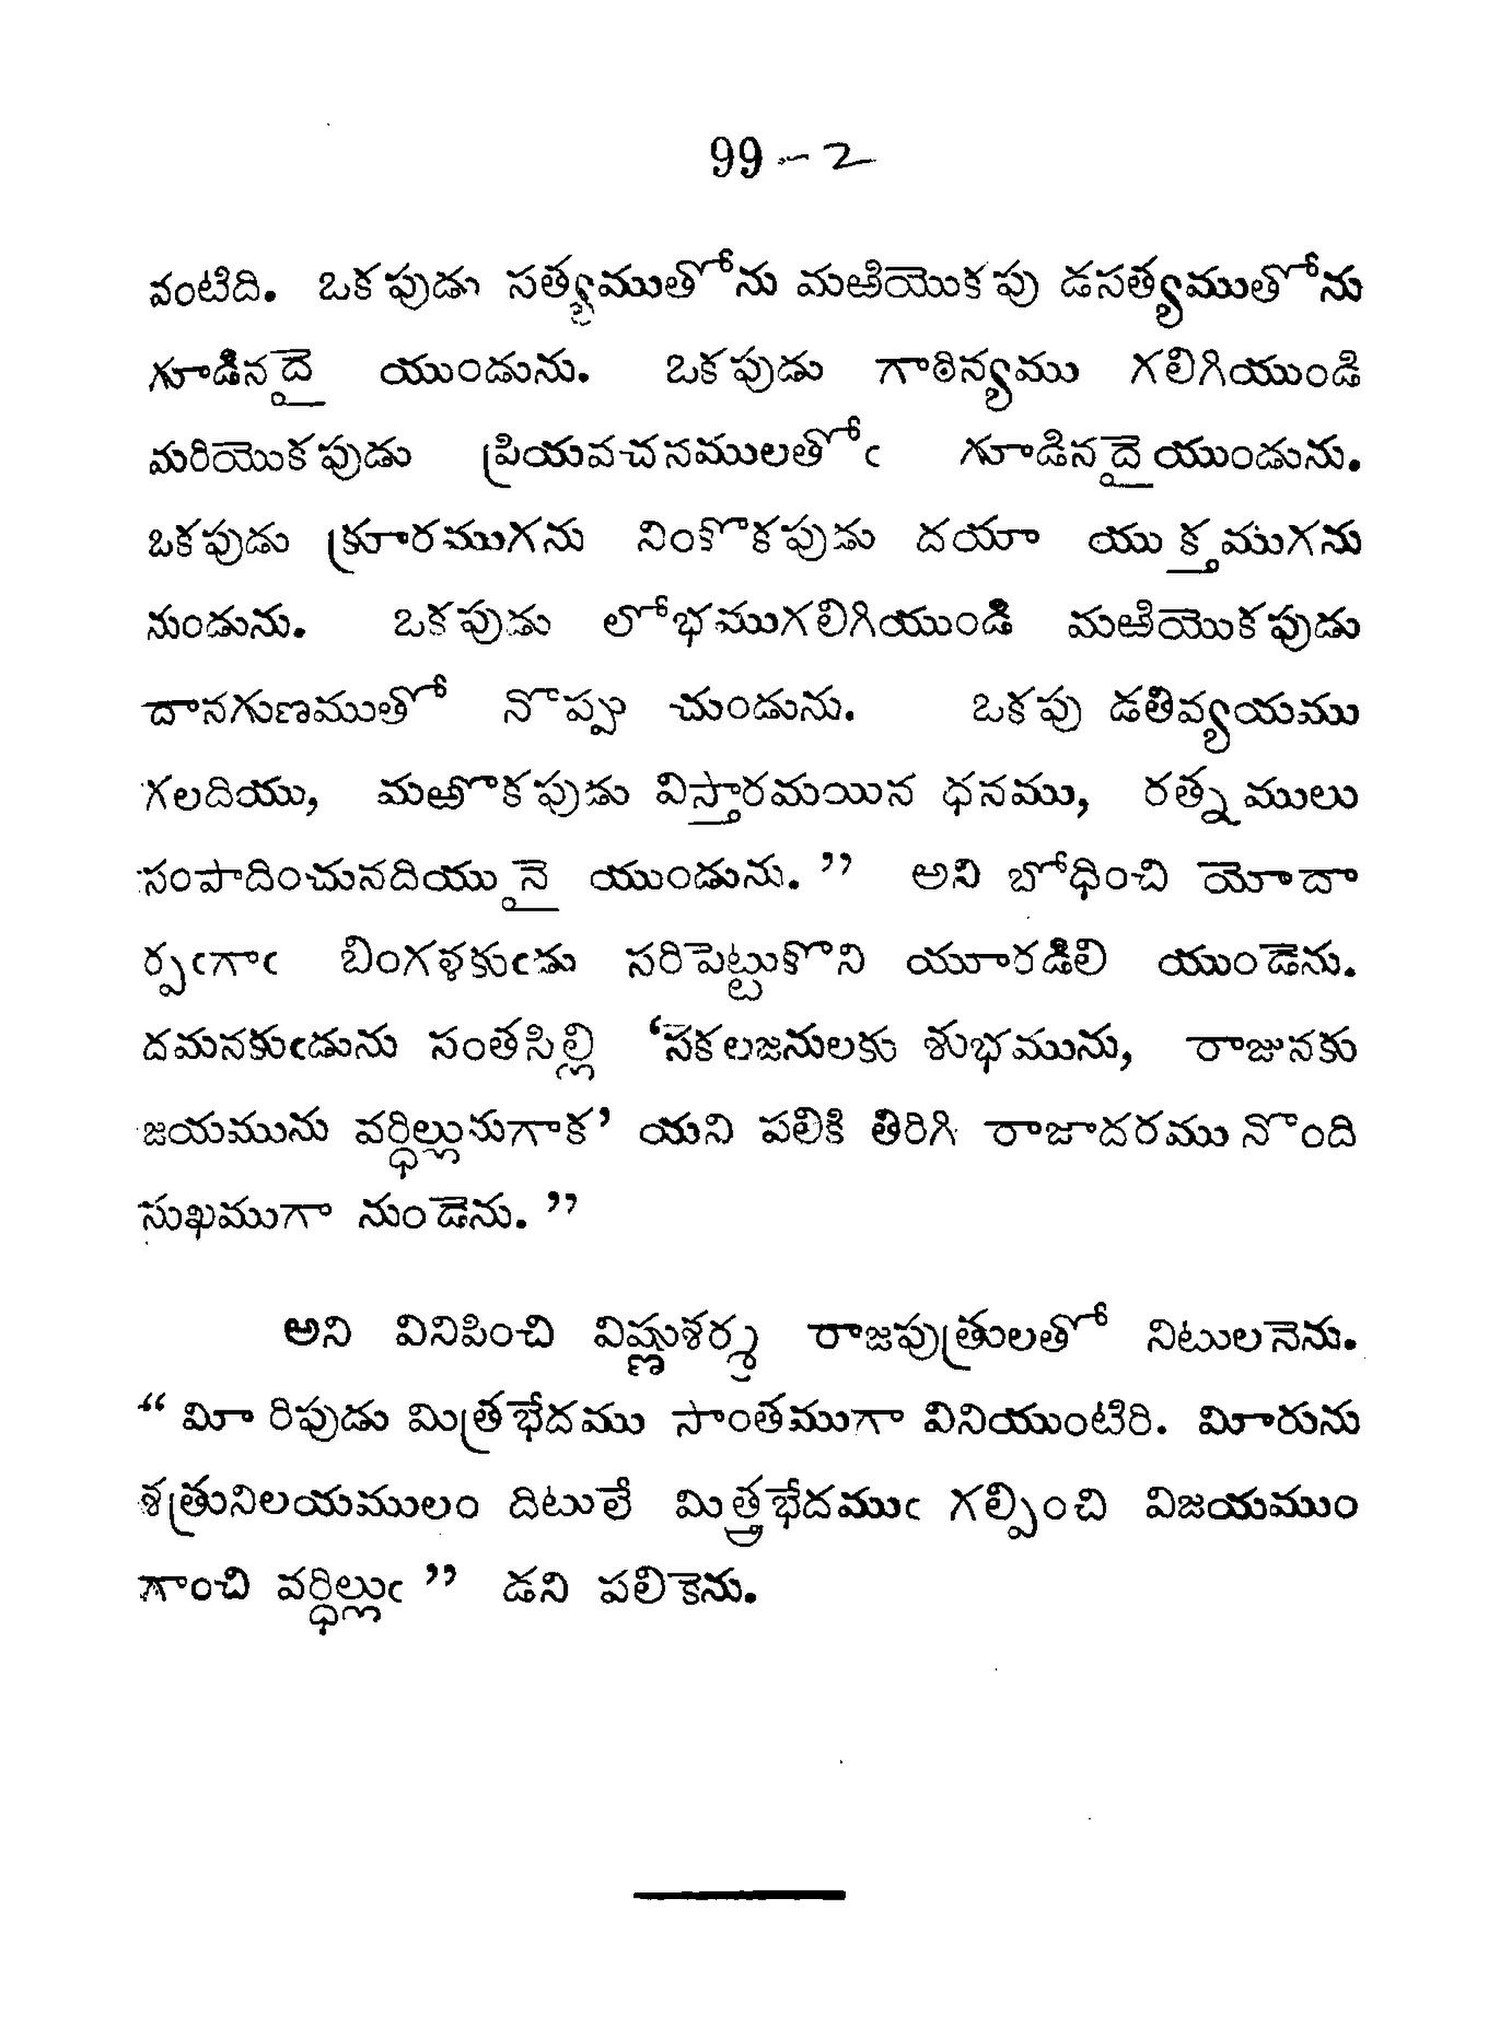వంటిది. ఒకపుడు సత్యముతోను మఱియొకపు డసత్యముతోను గూడినదై యుండును. ఒకపుడు గాఠిన్యము గలిగియుండి మరియొకపుడు ప్రియవచనములతో గూడినదైయుండును. ఒకపుడు క్రూరముగను నింకొకపుడు దయా యుక్తముగను నుండును. ఒకపుడు లోభముగలిగియుండి మఱియొకపుడు దానగుణముతో నొప్పు చుండును. ఒకపు డతివ్యయము గలదియు, మఱొకపుడు విస్తారమయిన ధనము, రత్నములు సంపాదించునదియునై యుండును." అని బోధించి యోదార్పగా బింగళకుడు సరిపెట్టుకొని యూరడిలి యుండెను. దమనకుడును సంతసిల్లి 'సకలజనులకు శుభమును, రాజునకు జయమును వర్ధిల్లునుగాక యని పలికి తిరిగి రాజాదరము నొంది సుఖముగా నుండెను."

అని వినిపించి విష్ణుశర్మ రాజపుత్రులతో నిటులనెను. "మీ రిపుడు మిత్రభేదము సాంతముగా వినియుంటిరి. మీరును శత్రునిలయములం దిటులే మిత్త్రభేదము గల్పించి విజయముం గాంచి వర్ధిల్లు" డని పలికెను.